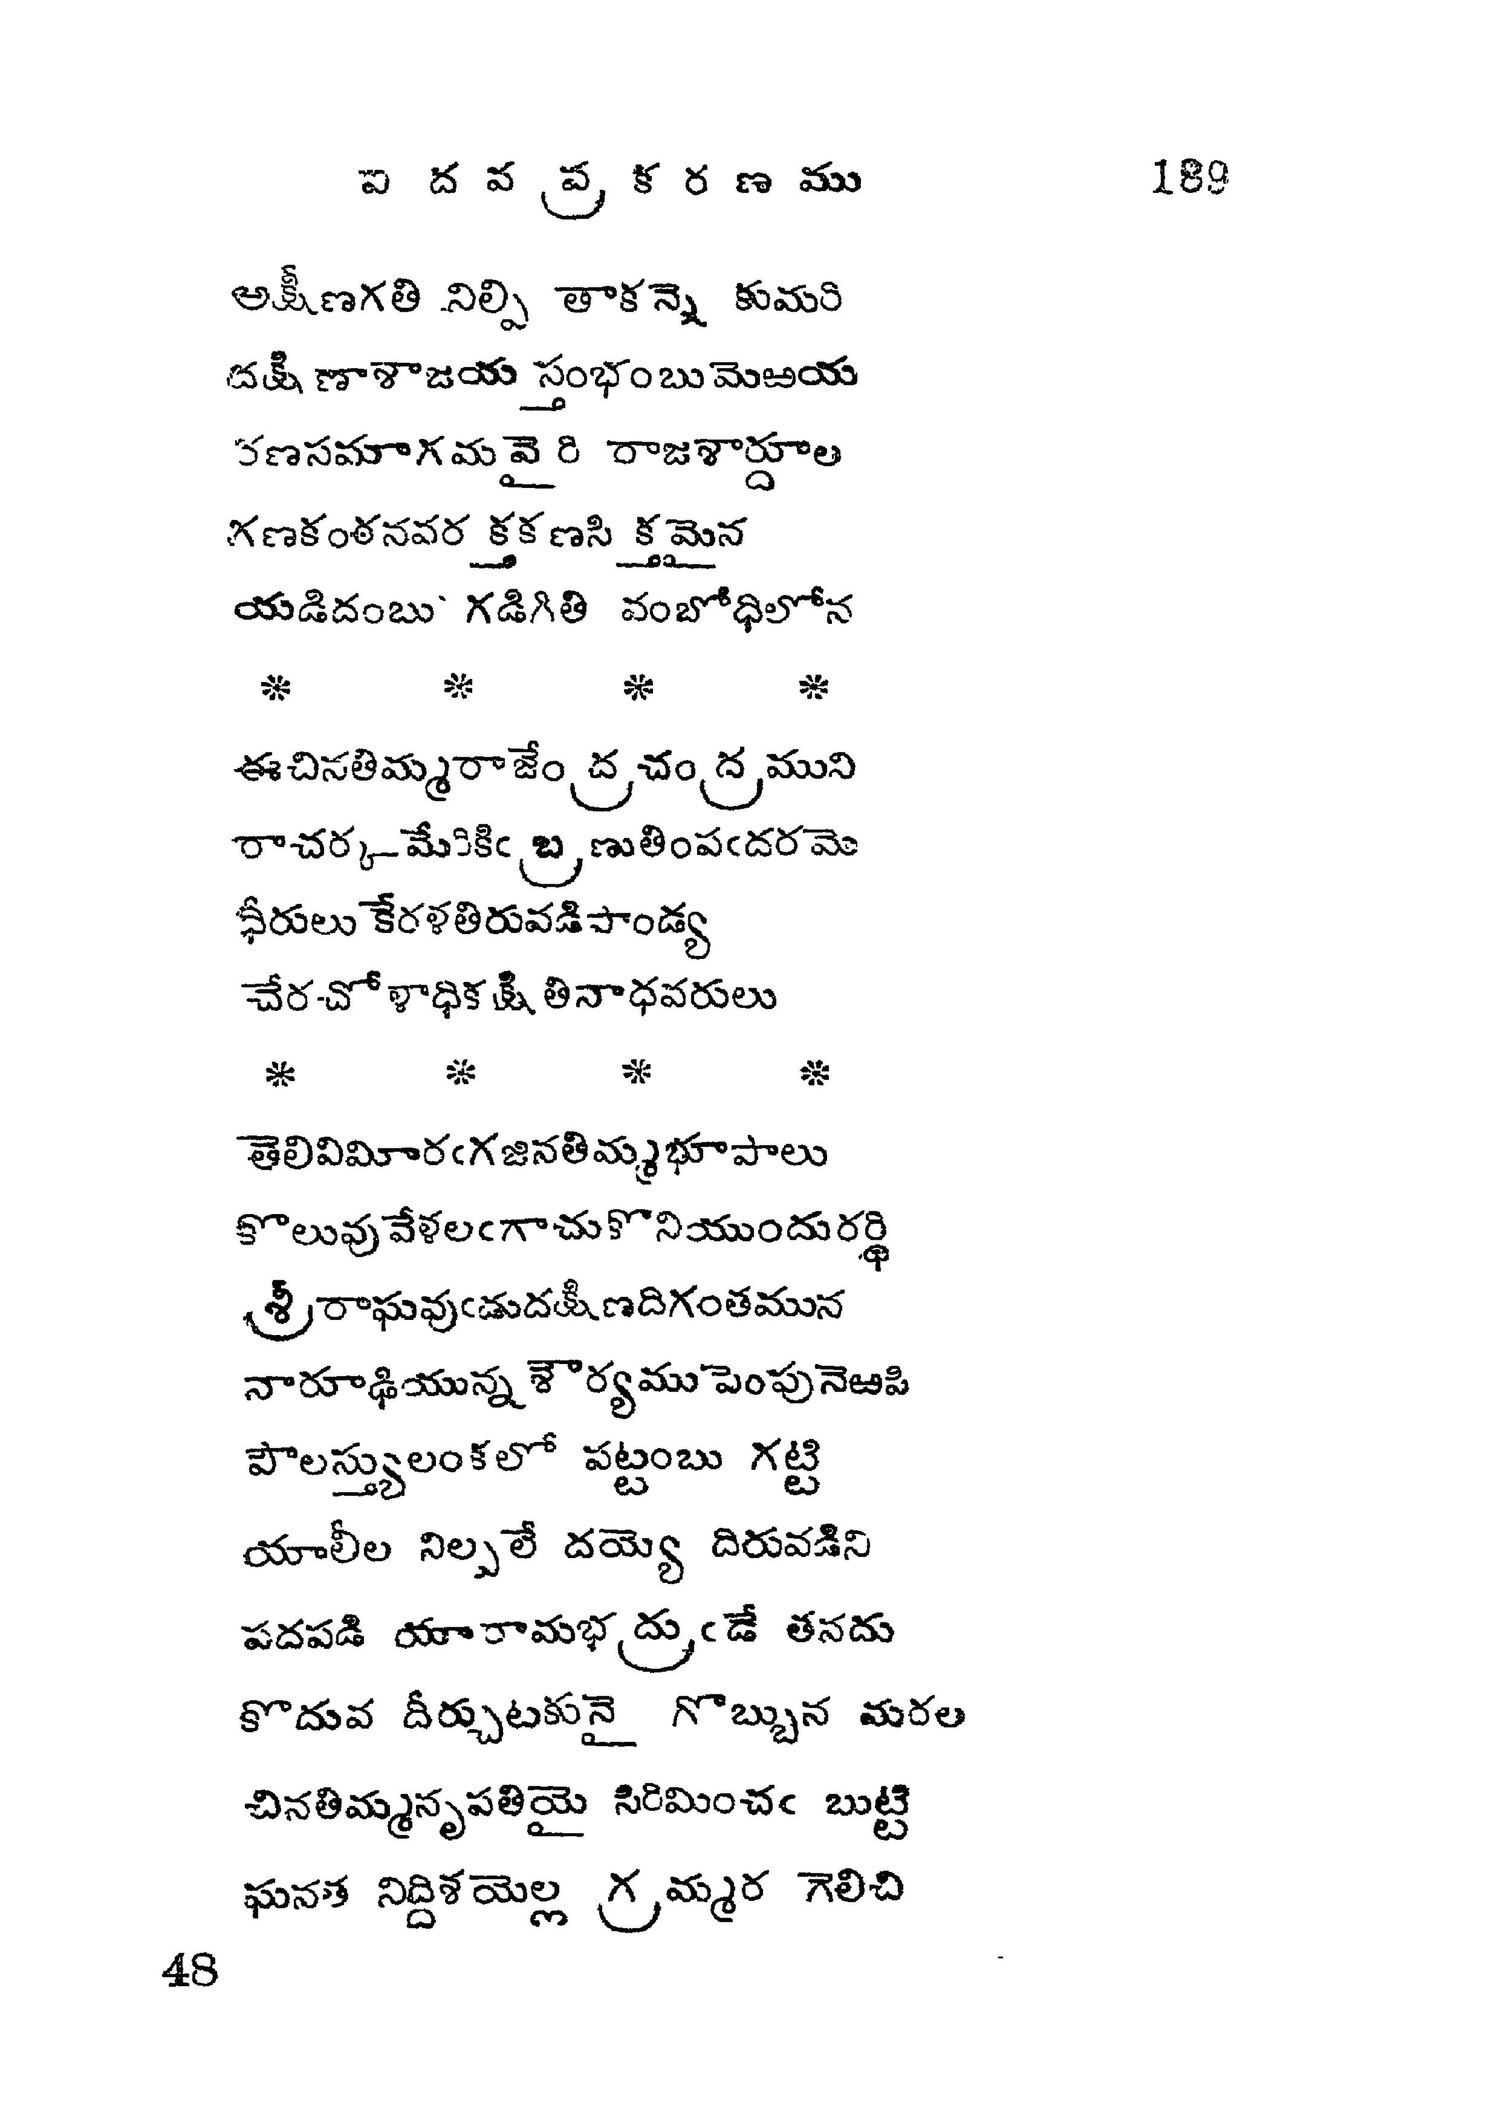అక్షీణగతి నిల్పి తాకన్నె కుమరి
 దక్షిణాశాజయస్తంభంబుమెఱయ
 రణసమాగమవైరి రాజశార్దూల
 గణకంఠనవరక్తకణసిక్తమైన
 యడిదంబు గడిగితి వంబోధిలోన

 ఈచినతిమ్మరాజేంద్రచంద్రముని
 రాచర్కమేరికిబ్రణుతింపదరమె
 ధీరులు కేరళతిరువడిపాండ్య
 చేరచోళధికక్షితినాధవరులు

 తెలివిమీరగజినతిమ్మభూపాలు
 కొలువువేళల గాచుకొనియుందురర్థి
 శ్రీరాఘవుడుదక్షిణదిగంతమున
 నారూడియున్నశౌర్యముపెంపునెఱపి
 పౌలస్త్యులంకలో పట్టంబు గట్టి
 యాలీల నిల్పలే దయ్యె దిరువడిని
 పదపడి యారామభద్రుడే తనదు
 కొదువ దీర్చుటకునై గొబ్బున మరల
 చినతిమ్మనృపతియై సిరిమించ బుట్టి
 ఘనత నిద్దిశయెల్ల గ్రమ్మర గెలిచి